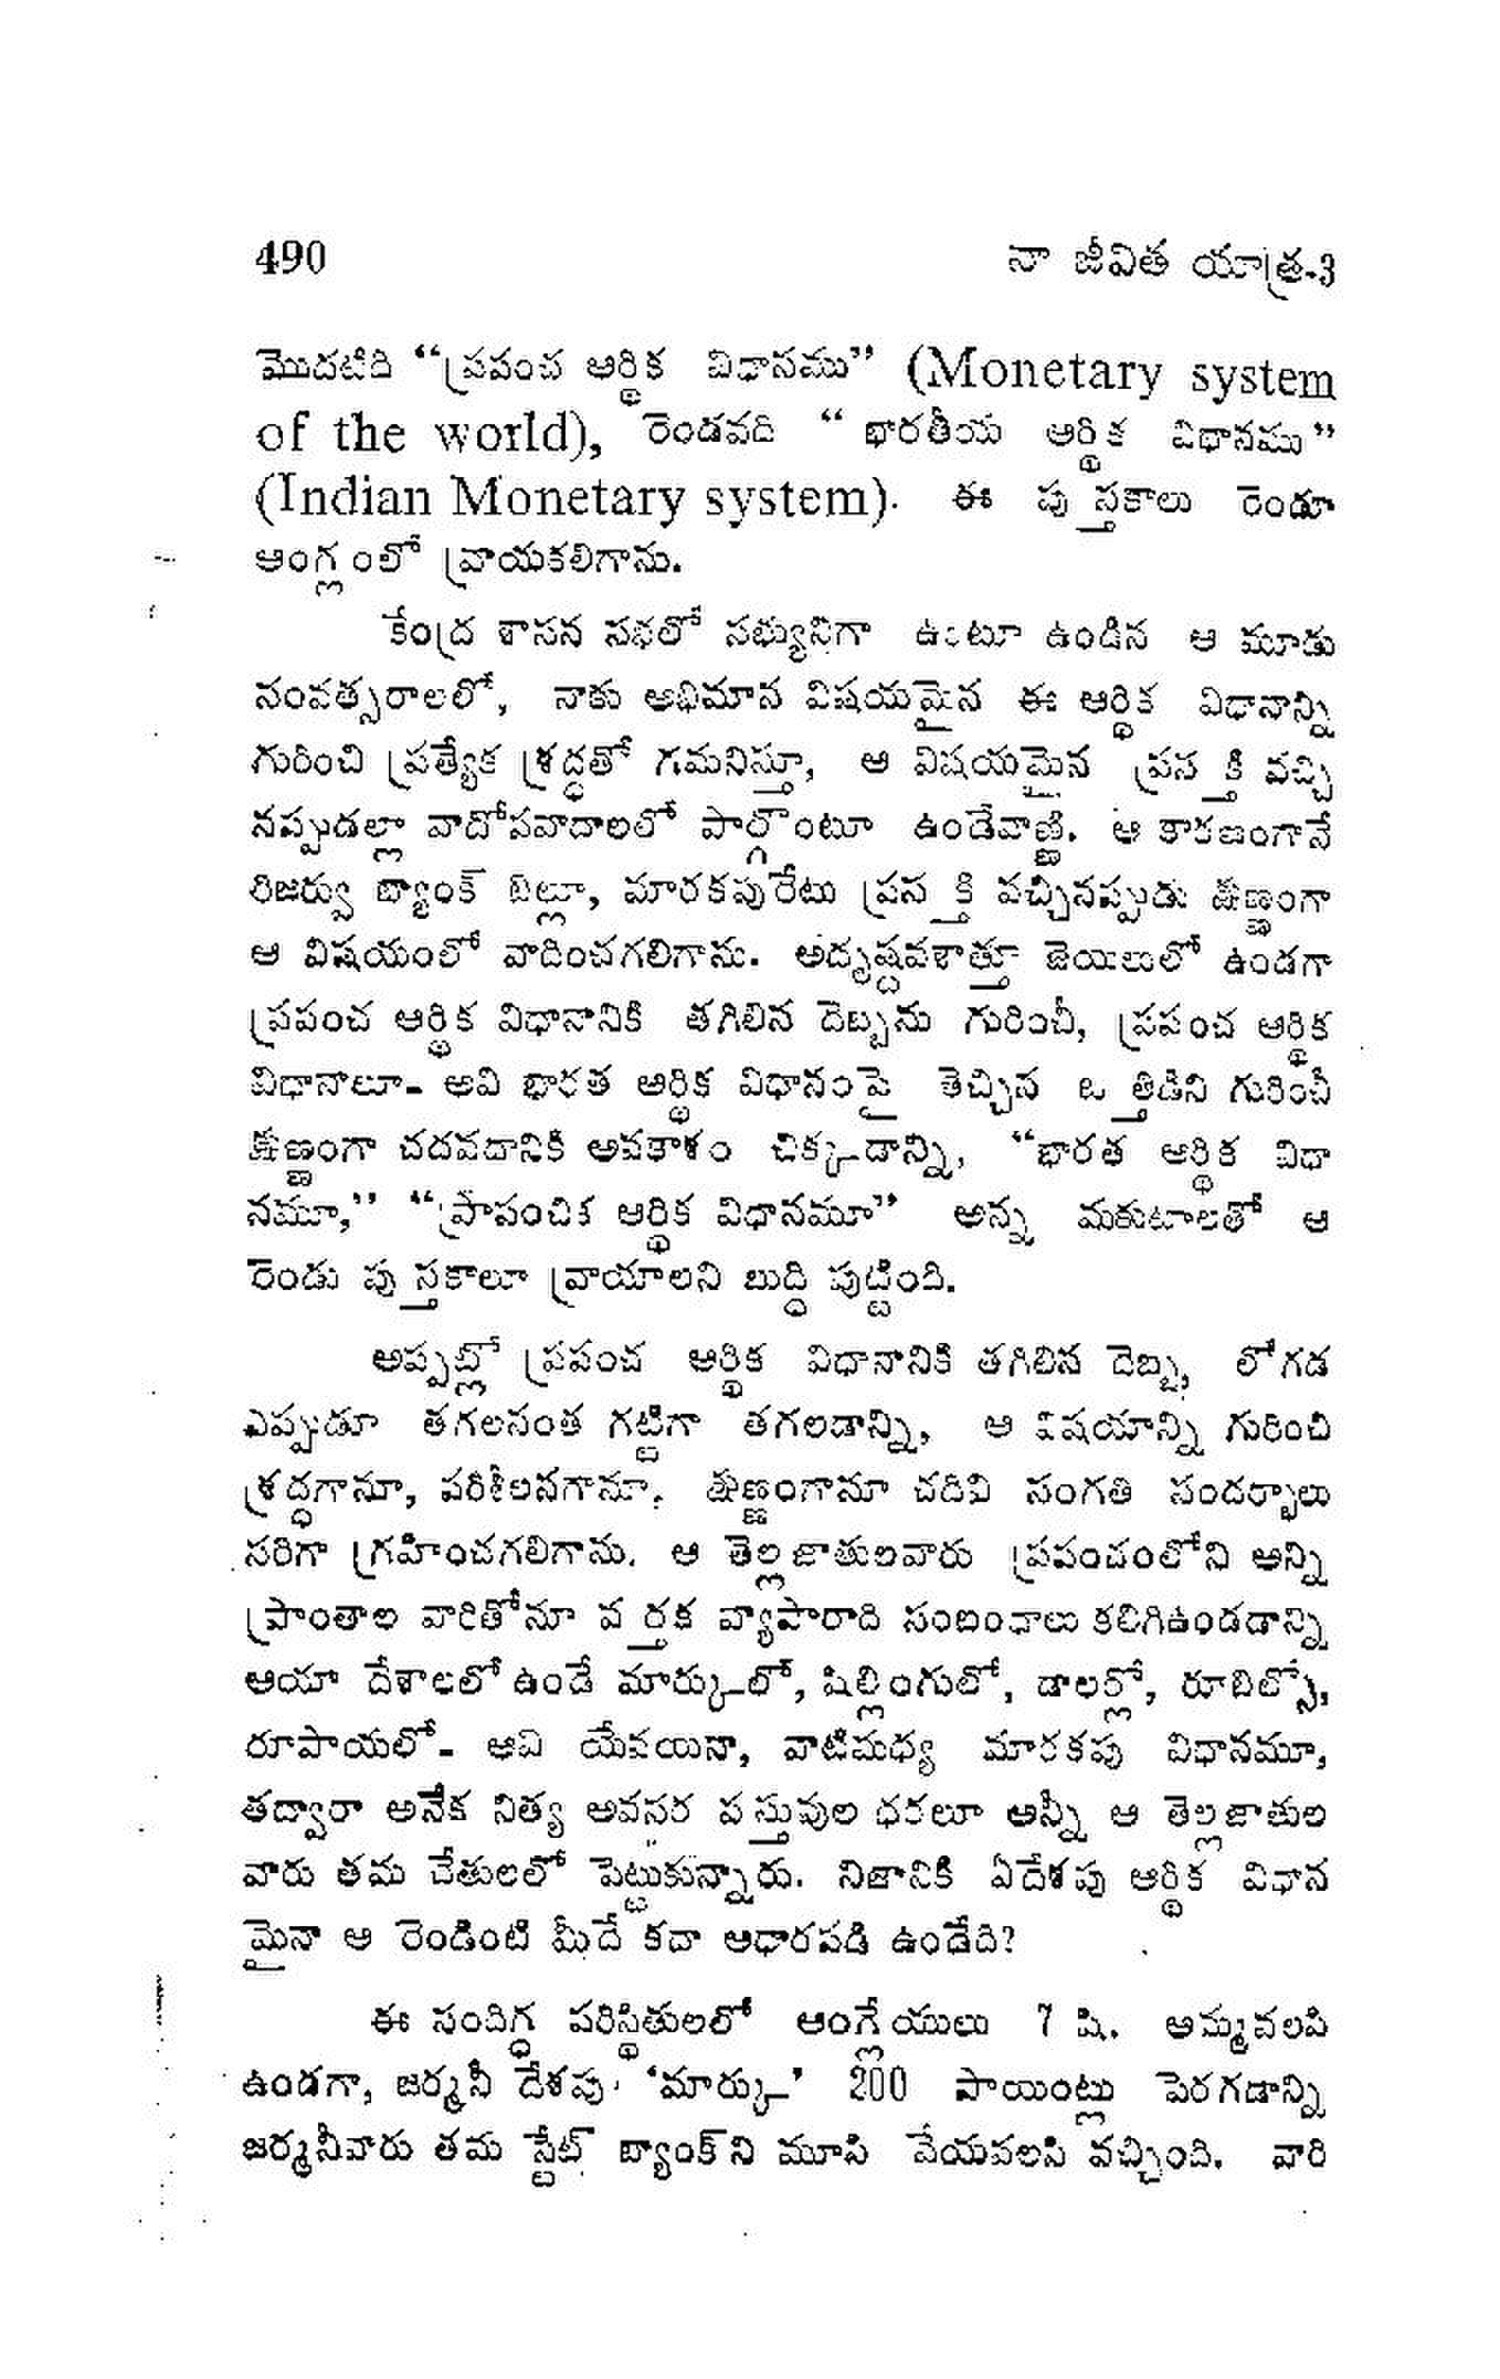మొదటిది "ప్రపంచ ఆర్థిక విధానము" (Monetary system of the world), రెండవది "భారతీయ ఆర్థిక విధానము" (Indian Monetary system). ఈ పుస్తకాలు రెండూ ఆంగ్లంలో వ్రాయకలిగాను.

కేంద్ర శాసన సభలో సభ్యునిగా ఉంటూ ఉండిన ఆ మూడు సంవత్సరాలలో, నాకు అభిమాన విషయమైన ఈ ఆర్థిక విధానాన్ని గురించి ప్రత్యేక శ్రద్ధతో గమనిస్తూ, ఆ విషయమైన ప్రసక్తి వచ్చినప్పుడల్లా వాదోపవాదాలలో పాల్గొంటూ ఉండేవాణ్ణి. అ కారణంగానే రిజర్వు బ్యాంక్ బిల్లూ, మారకపురేటు ప్రసక్తి వచ్చినప్పుడు క్షుణ్ణంగా ఆ విషయంలో వాదించగలిగాను. అదృష్టవశాత్తూ జెయిలులో ఉండగా ప్రపంచ ఆర్థిక విధానానికి తగిలిన దెబ్బను గురించీ, ప్రపంచ ఆర్హిక విధానాలూ - అవి భారత ఆర్థిక విధానంపై తెచ్చిన ఒత్తిడిని గురించీ క్షుణ్ణంగా చదవడానికి అవకాశం చిక్కడాన్ని, "భారత ఆర్థిక విధనమూ," "ప్రాపంచిక ఆర్థిక విధానమూ" అన్న మకుటాలతో ఆ రెండు పుస్తకాలూ వ్రాయాలని బుద్ధి పుట్టింది.

అప్పట్లో ప్రపంచ ఆర్థిక విధానానికి తగిలిన దెబ్బ, లోగడ ఎప్పుడూ తగలనంత గట్టిగా తగలడాన్ని, ఆ విషయాన్ని గురించి శ్రద్ధగానూ, పరిశీలనగానూ, క్షుణ్ణంగానూ చదివి సంగతి సందర్భాలు సరిగా గ్రహించగలిగాను. ఆ తెల్లజాతులవారు ప్రపంచంలోని అన్ని ప్రాంతాల వారితోనూ వర్తక వ్యాపారాది సంబంధాలు కలిగిఉండడాన్ని ఆయా దేశాలలో ఉండే మార్కులో, షిల్లింగులో, డాలర్లో, రూబిల్సో, రూపాయలో - అవి యేవయినా, వాటిమధ్య మారకపు విధానమూ, తద్వారా అనేక నిత్య అవసర వస్తువుల ధరలూ అన్నీ ఆ తెల్లజాతులవారు తమ చేతులలో పెట్టుకున్నారు. నిజానికి ఏదేశపు ఆర్థిక విధానమైనా ఆ రెండింటి మీదే కదా ఆధారపడి ఉండేది?

ఈ సందిగ్ధ పరిస్థితులలో ఆంగ్లేయులు 7 షి. అమ్మవలసి ఉండగా, జర్మనీ దేశపు 'మార్కు' 200 పాయింట్లు పెరగడాన్ని జర్మనీవారు తమ స్టేట్ బ్యాంక్‌ని మూసి వేయవలసి వచ్చింది. వారి